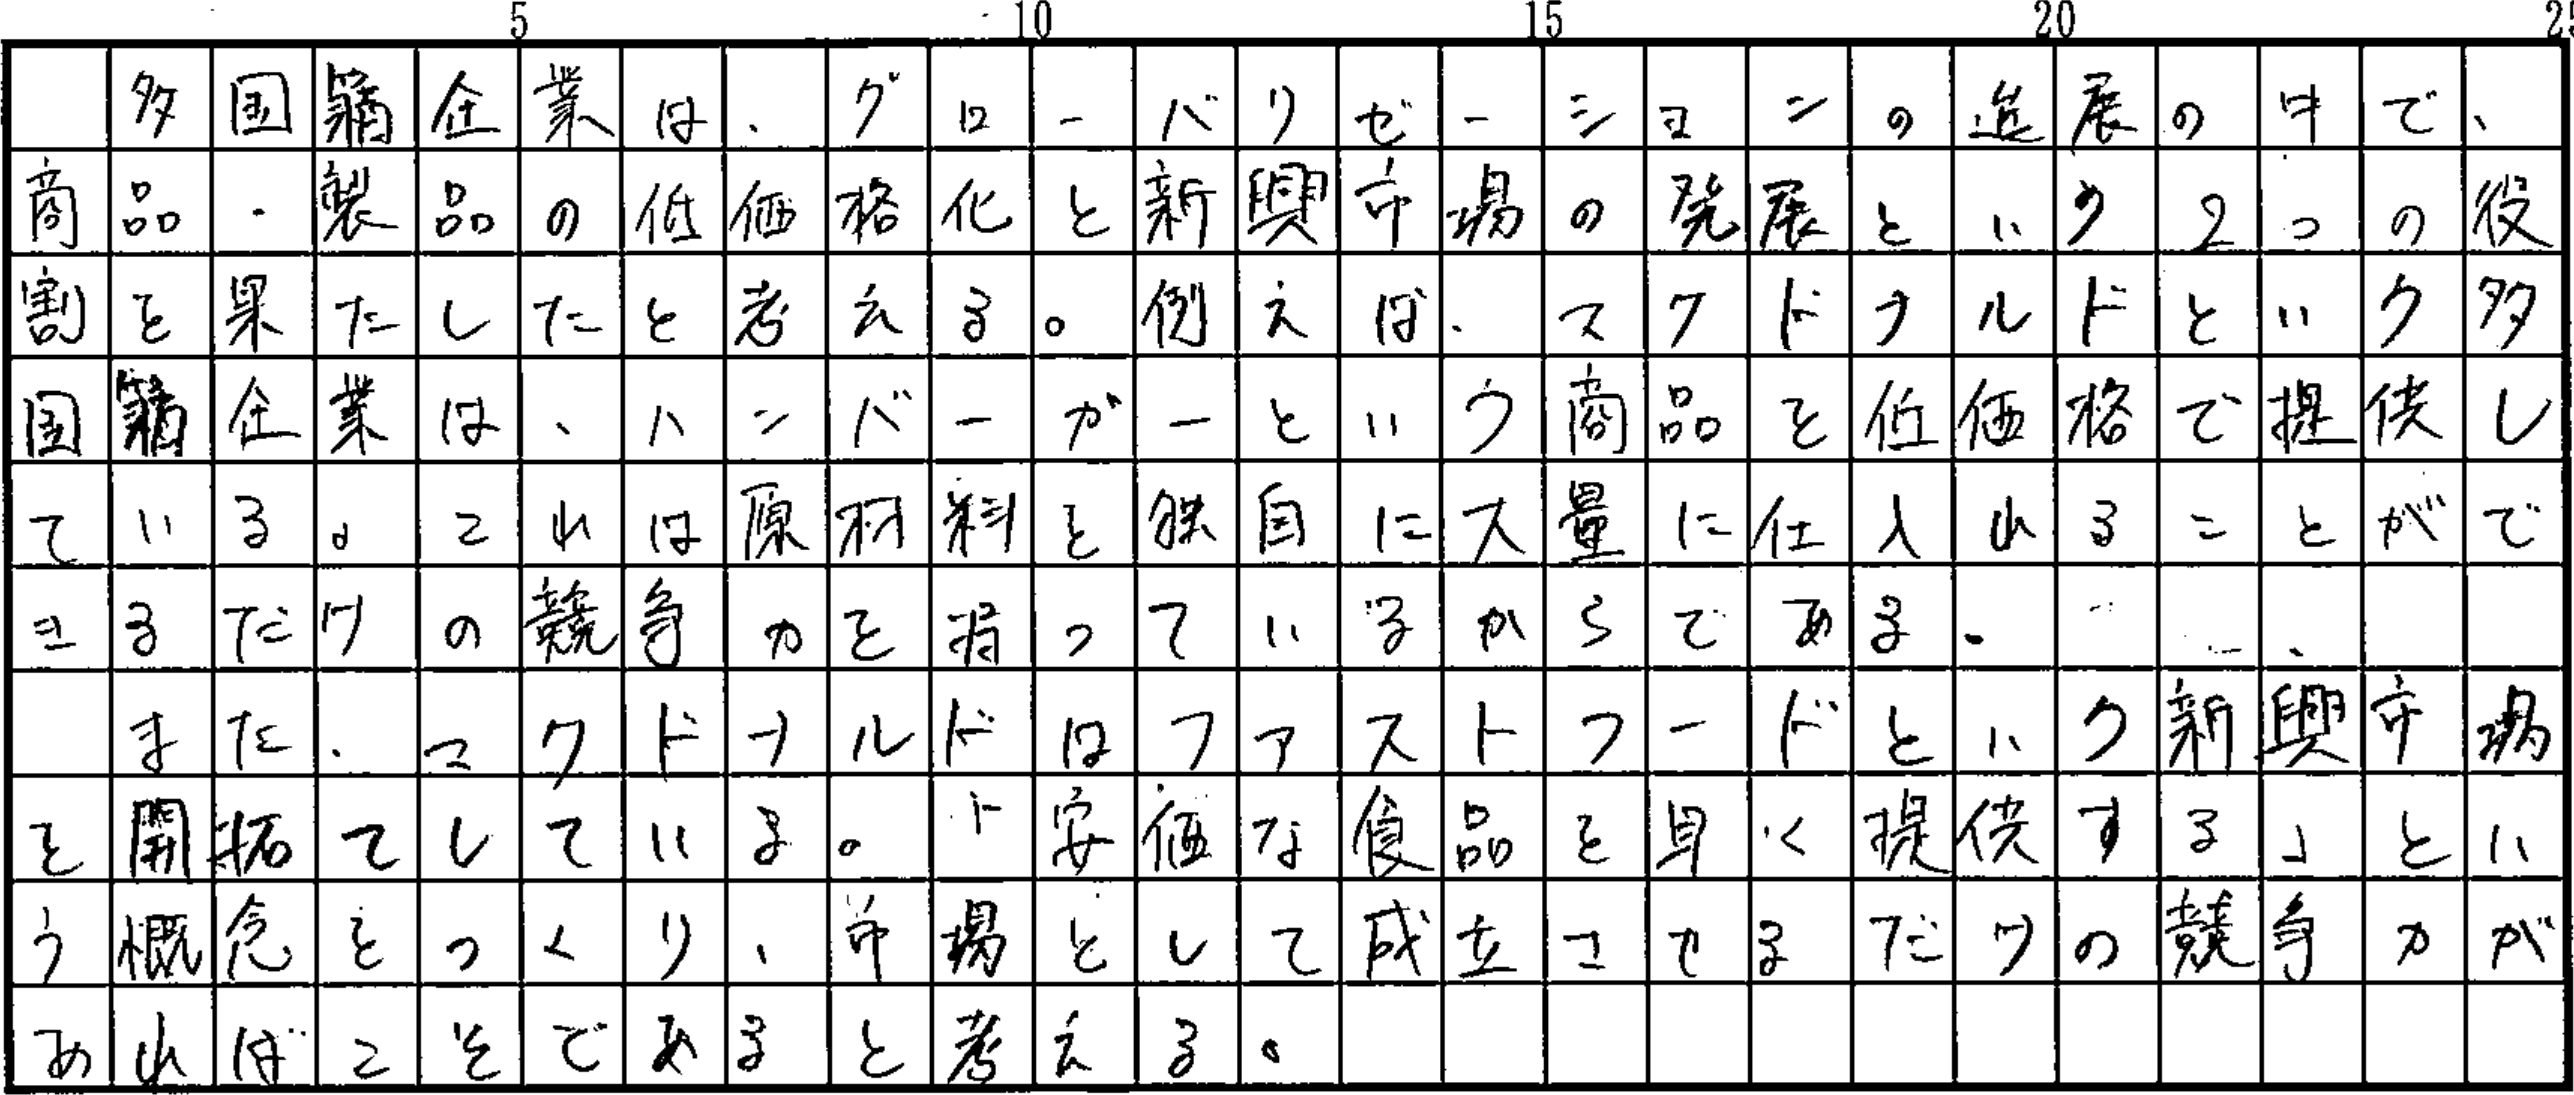　多国籍企業は、グローバリゼーションの進展の中で、商品・製品の低価格化と新興市場の発展という２つの役割を果たしたと考える。例えば、マクドナルドという多国籍企業は、ハンバーガーという商品を低価格で提供している。これは原材料を独自に大量に仕入れることができるだけの競争力を持っているからである。
　また、マクドナルドはファストフードという新興市場を開拓てしている。「安価な食品を早く提供する」という概念をつくり、市場として成立させるだけの競争力があればこそであると考える。
